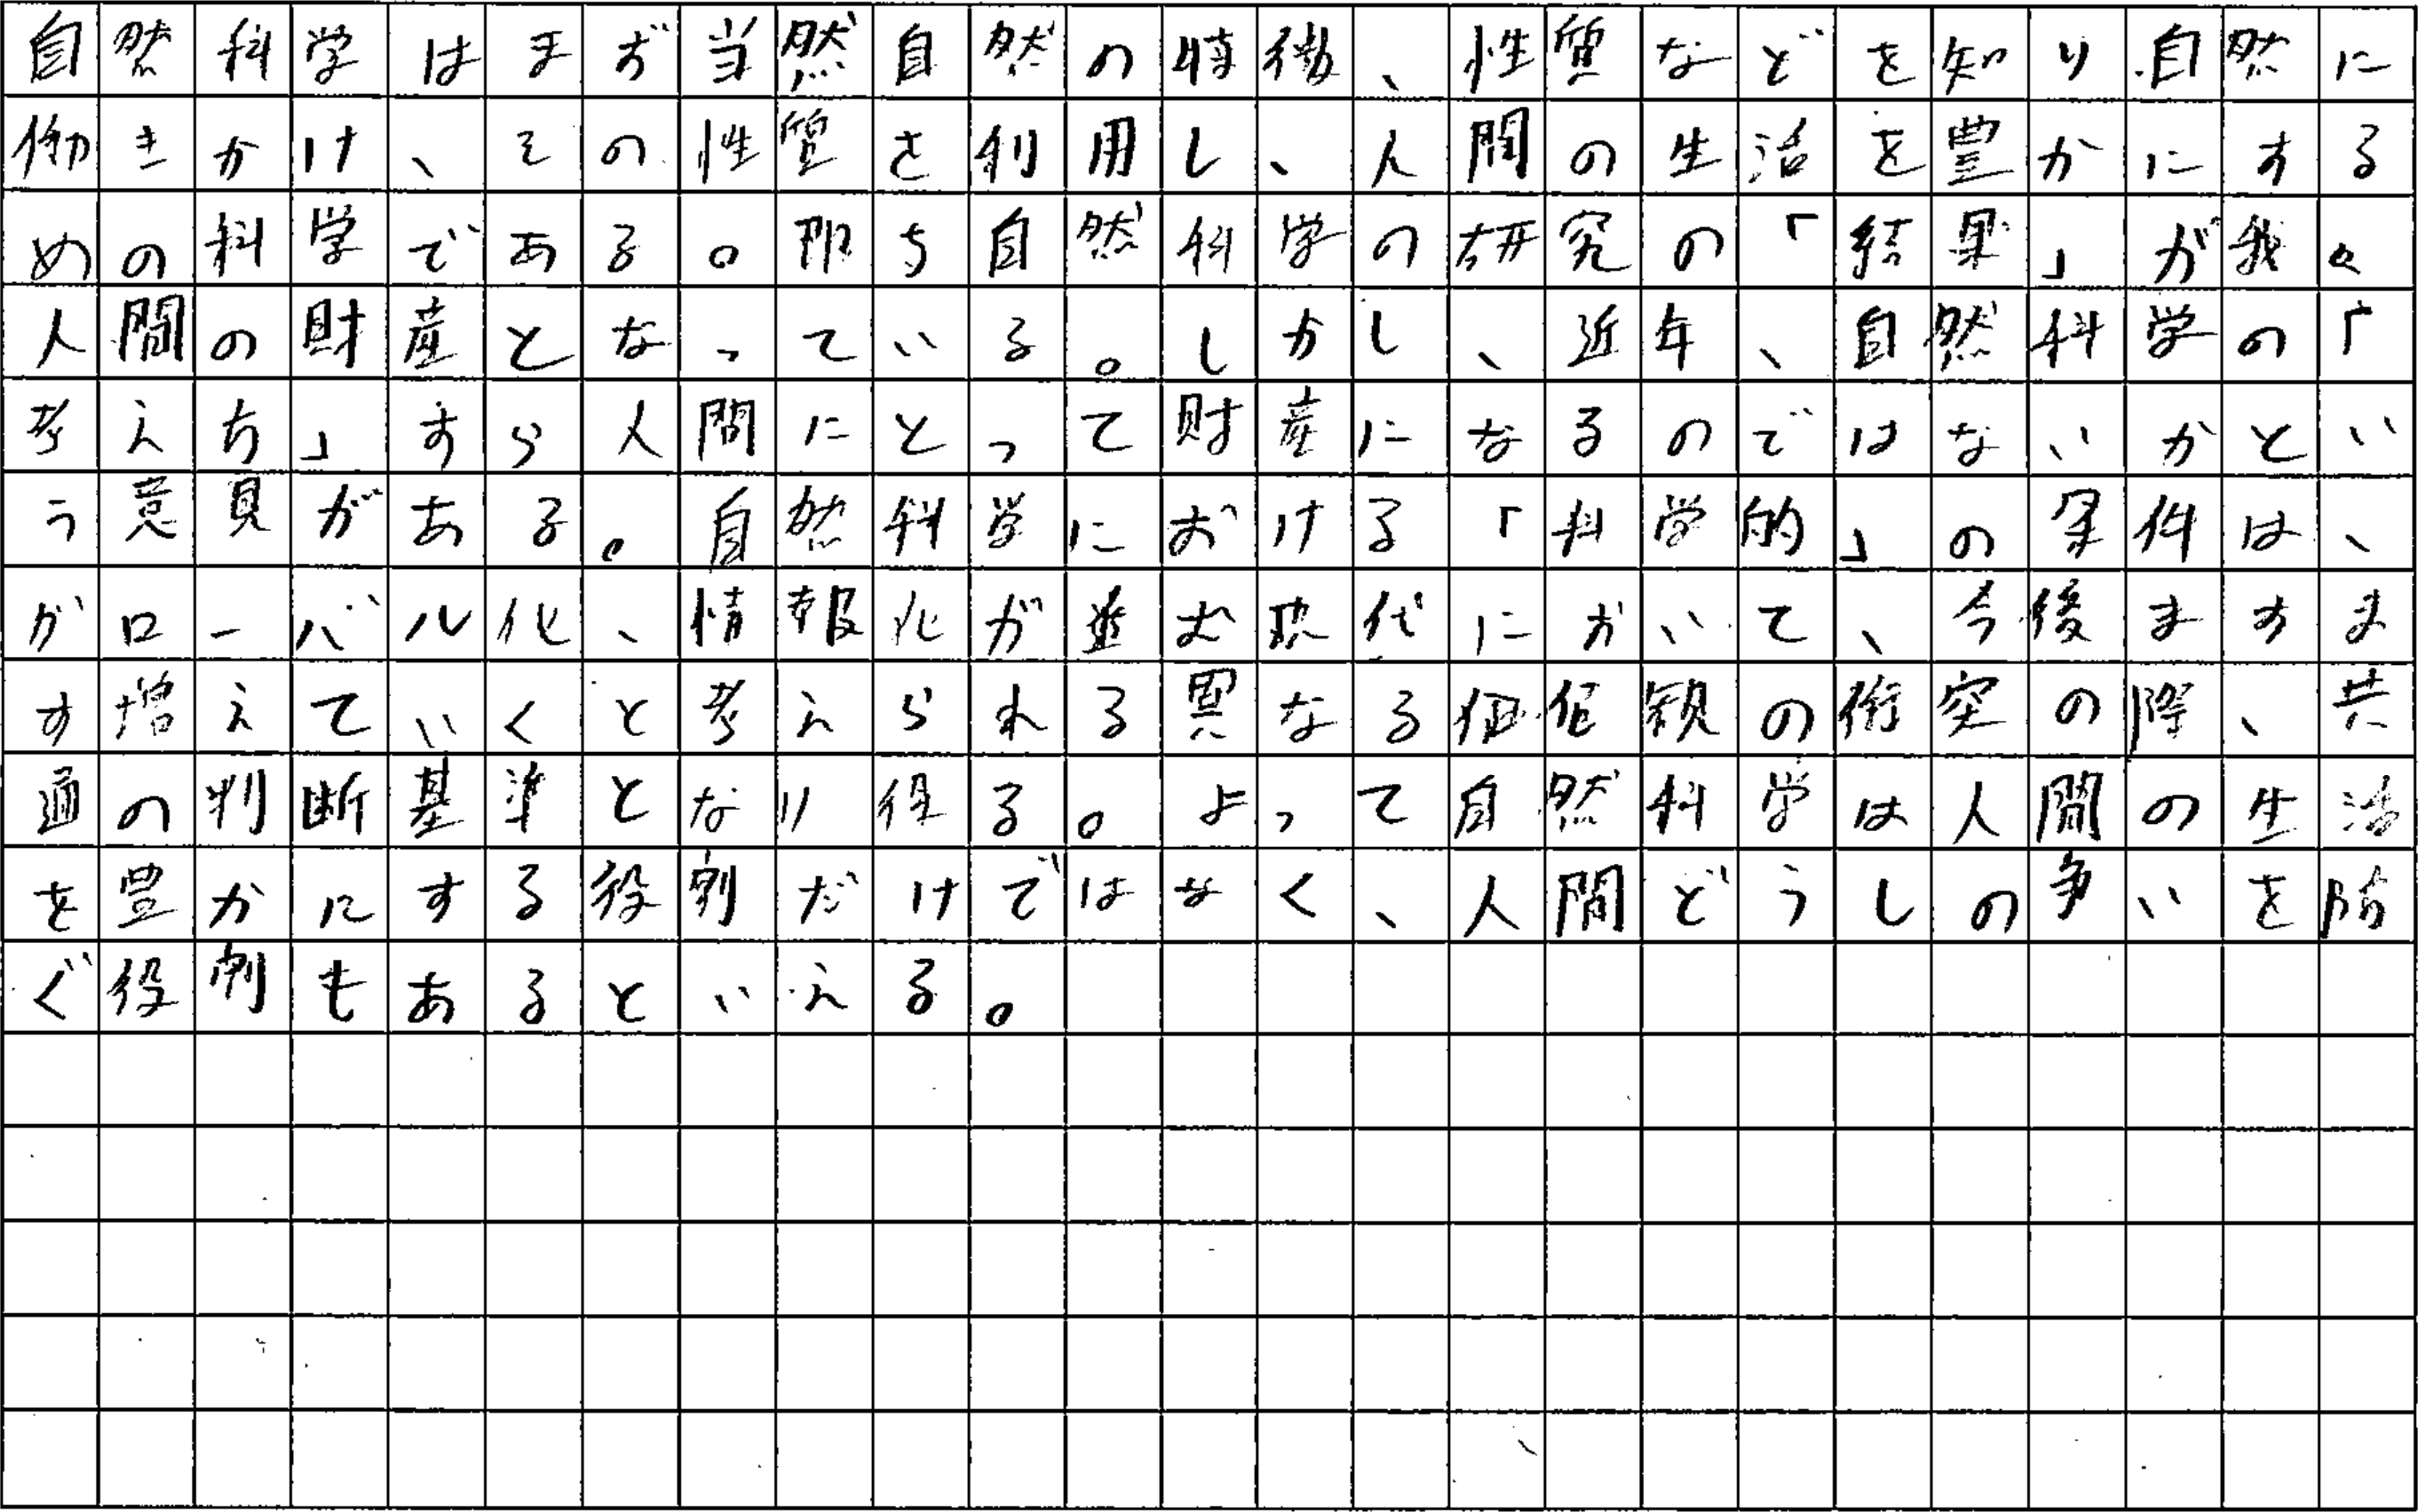自然科学はまず当然自然の特▁、性質などを知り自然に働きかけ、その性質を利用し、人間の生活を豊かにするめの科学である。即ち自然科学の研究の「結果」が我々人間の財産となっている。しかし、近年、自然科学の「考え方」すら人間にとって財産になるのではないかという意見がある。自然科学における「科学的」の条件は、グローバル化、情報化が進む現代において、今後ますます増えていくと考えられる異なる▁値観の▁突の際、共通の判断基準となり得る。よって自然科学は人間の生活を豊かにする役割だけではなく、人間どうしの争いを防ぐ役割もあるといえる。
